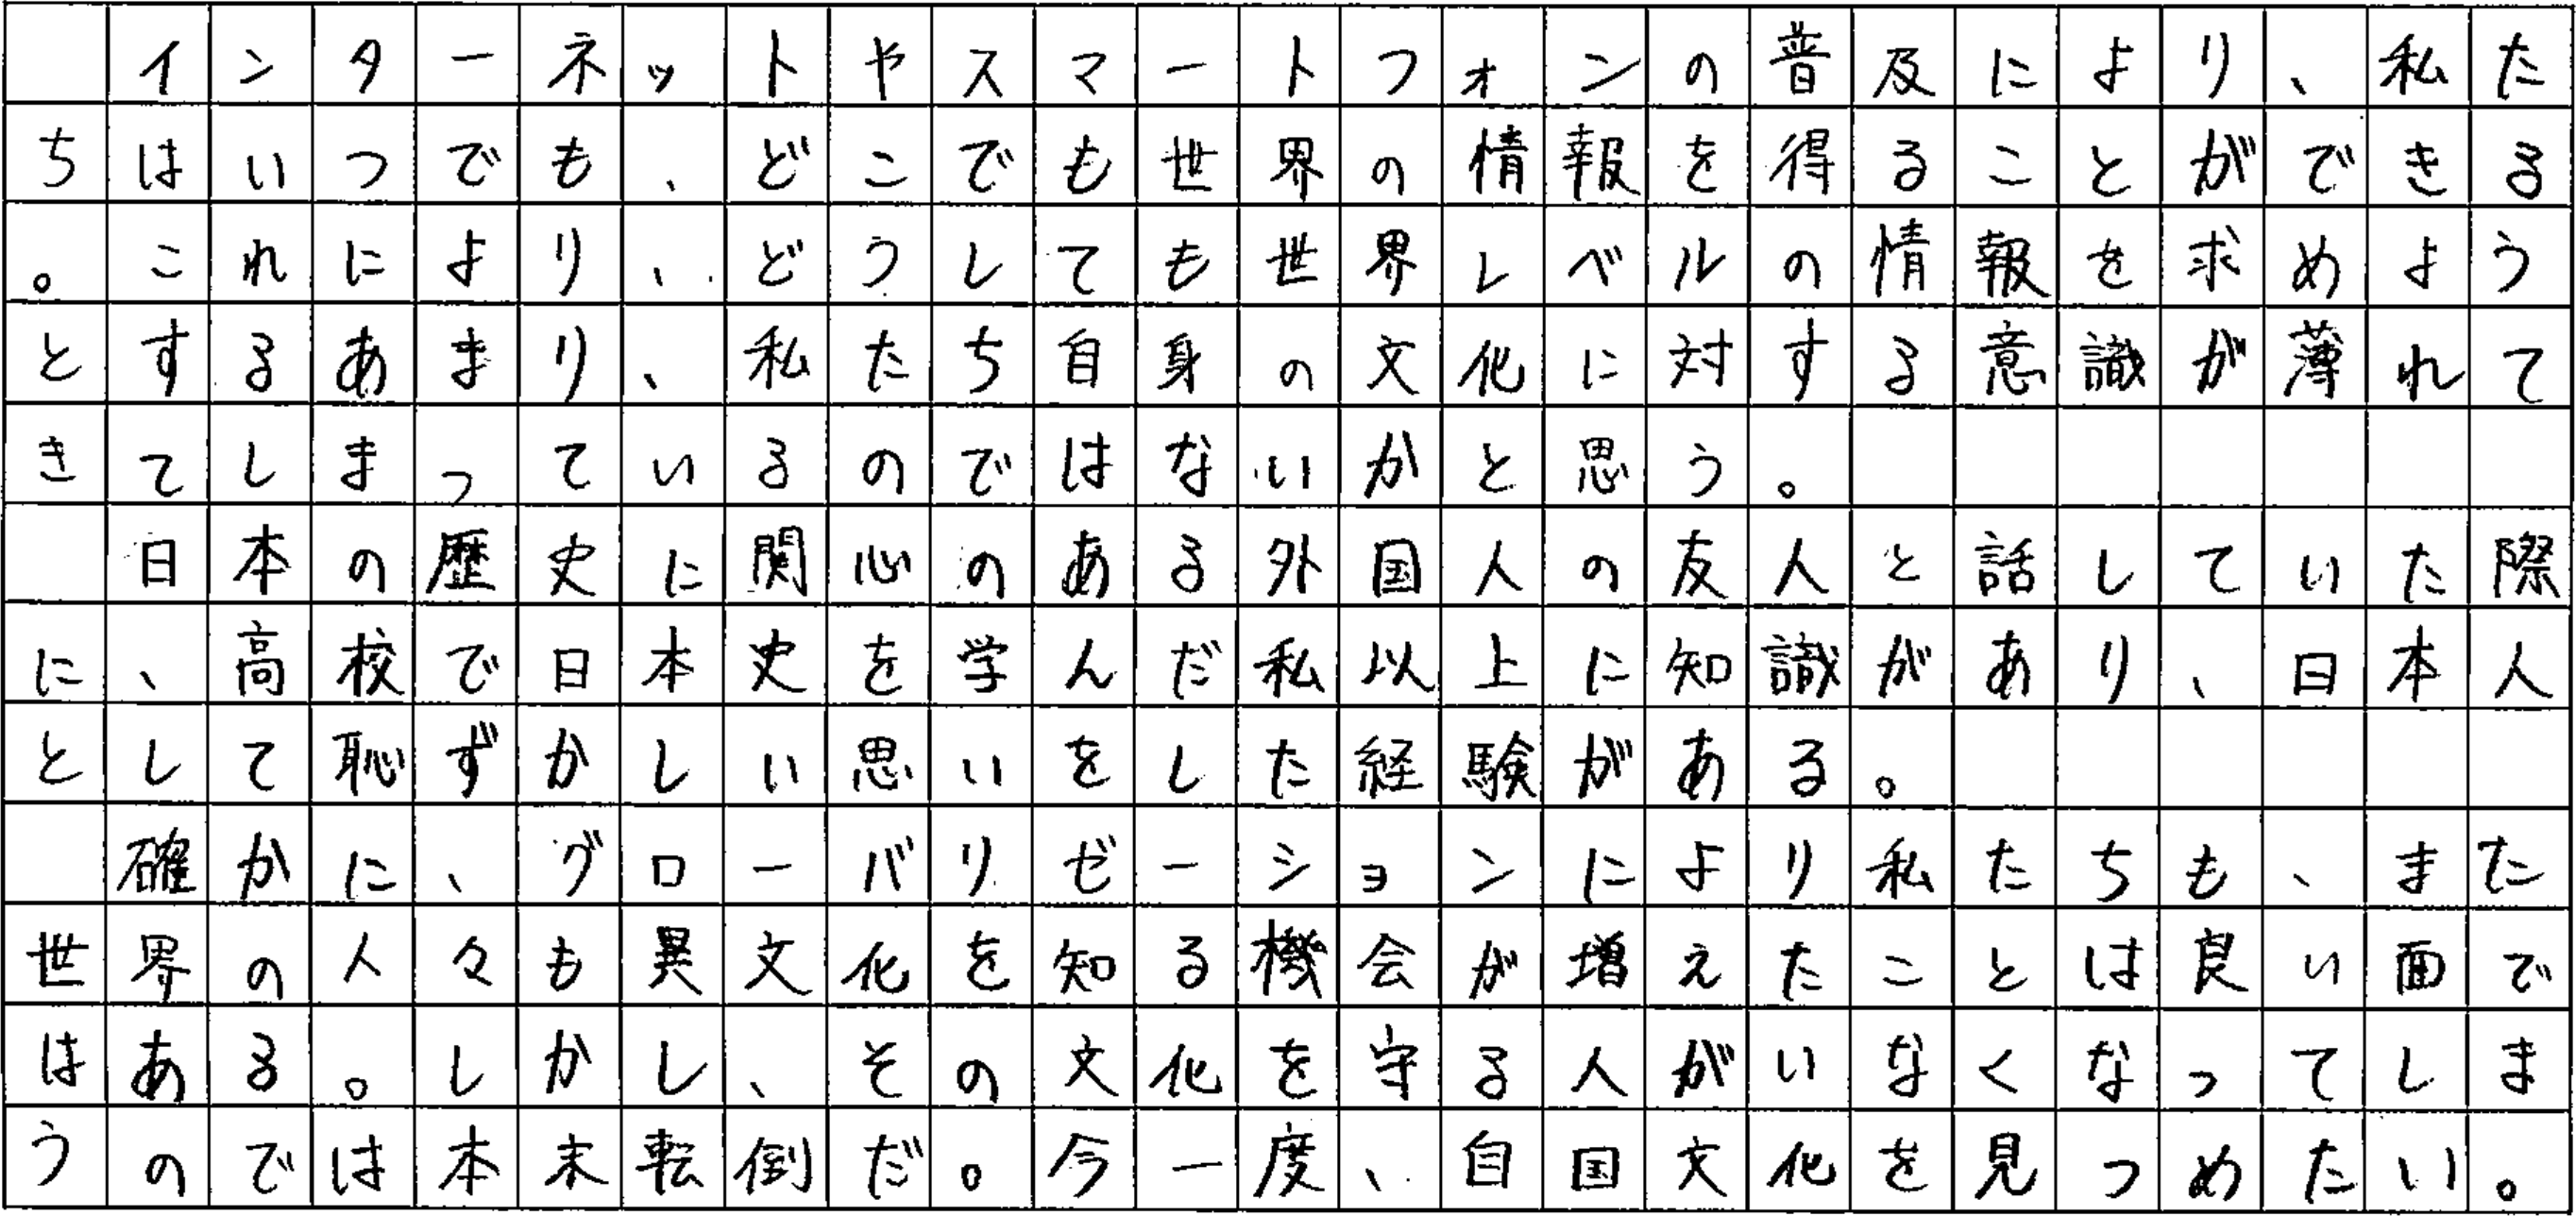　インターネットやスマートフォンの普及により、私たちはいつでも、どこでも世界の情報を得ることができる。これにより、どうしても世界レベルの情報を求めようとするあまり、私たち自身の文化に対する意識が薄れてきてしまっているのではないかと思う。
　日本の歴史に関心のある外国人の友人と話していた際に、高校で日本史を学んだ私以上に知識があり、日本人として恥ずかしい思いをした経験がある。
　確かに、グローバリゼーションにより私たちも、また世界の人々も異文化を知る機会が増えたことは良い面ではある。しかし、その文化を守る人がいなくなってしまうのでは本末転倒だ。今一度、自国文化を見つめたい。
